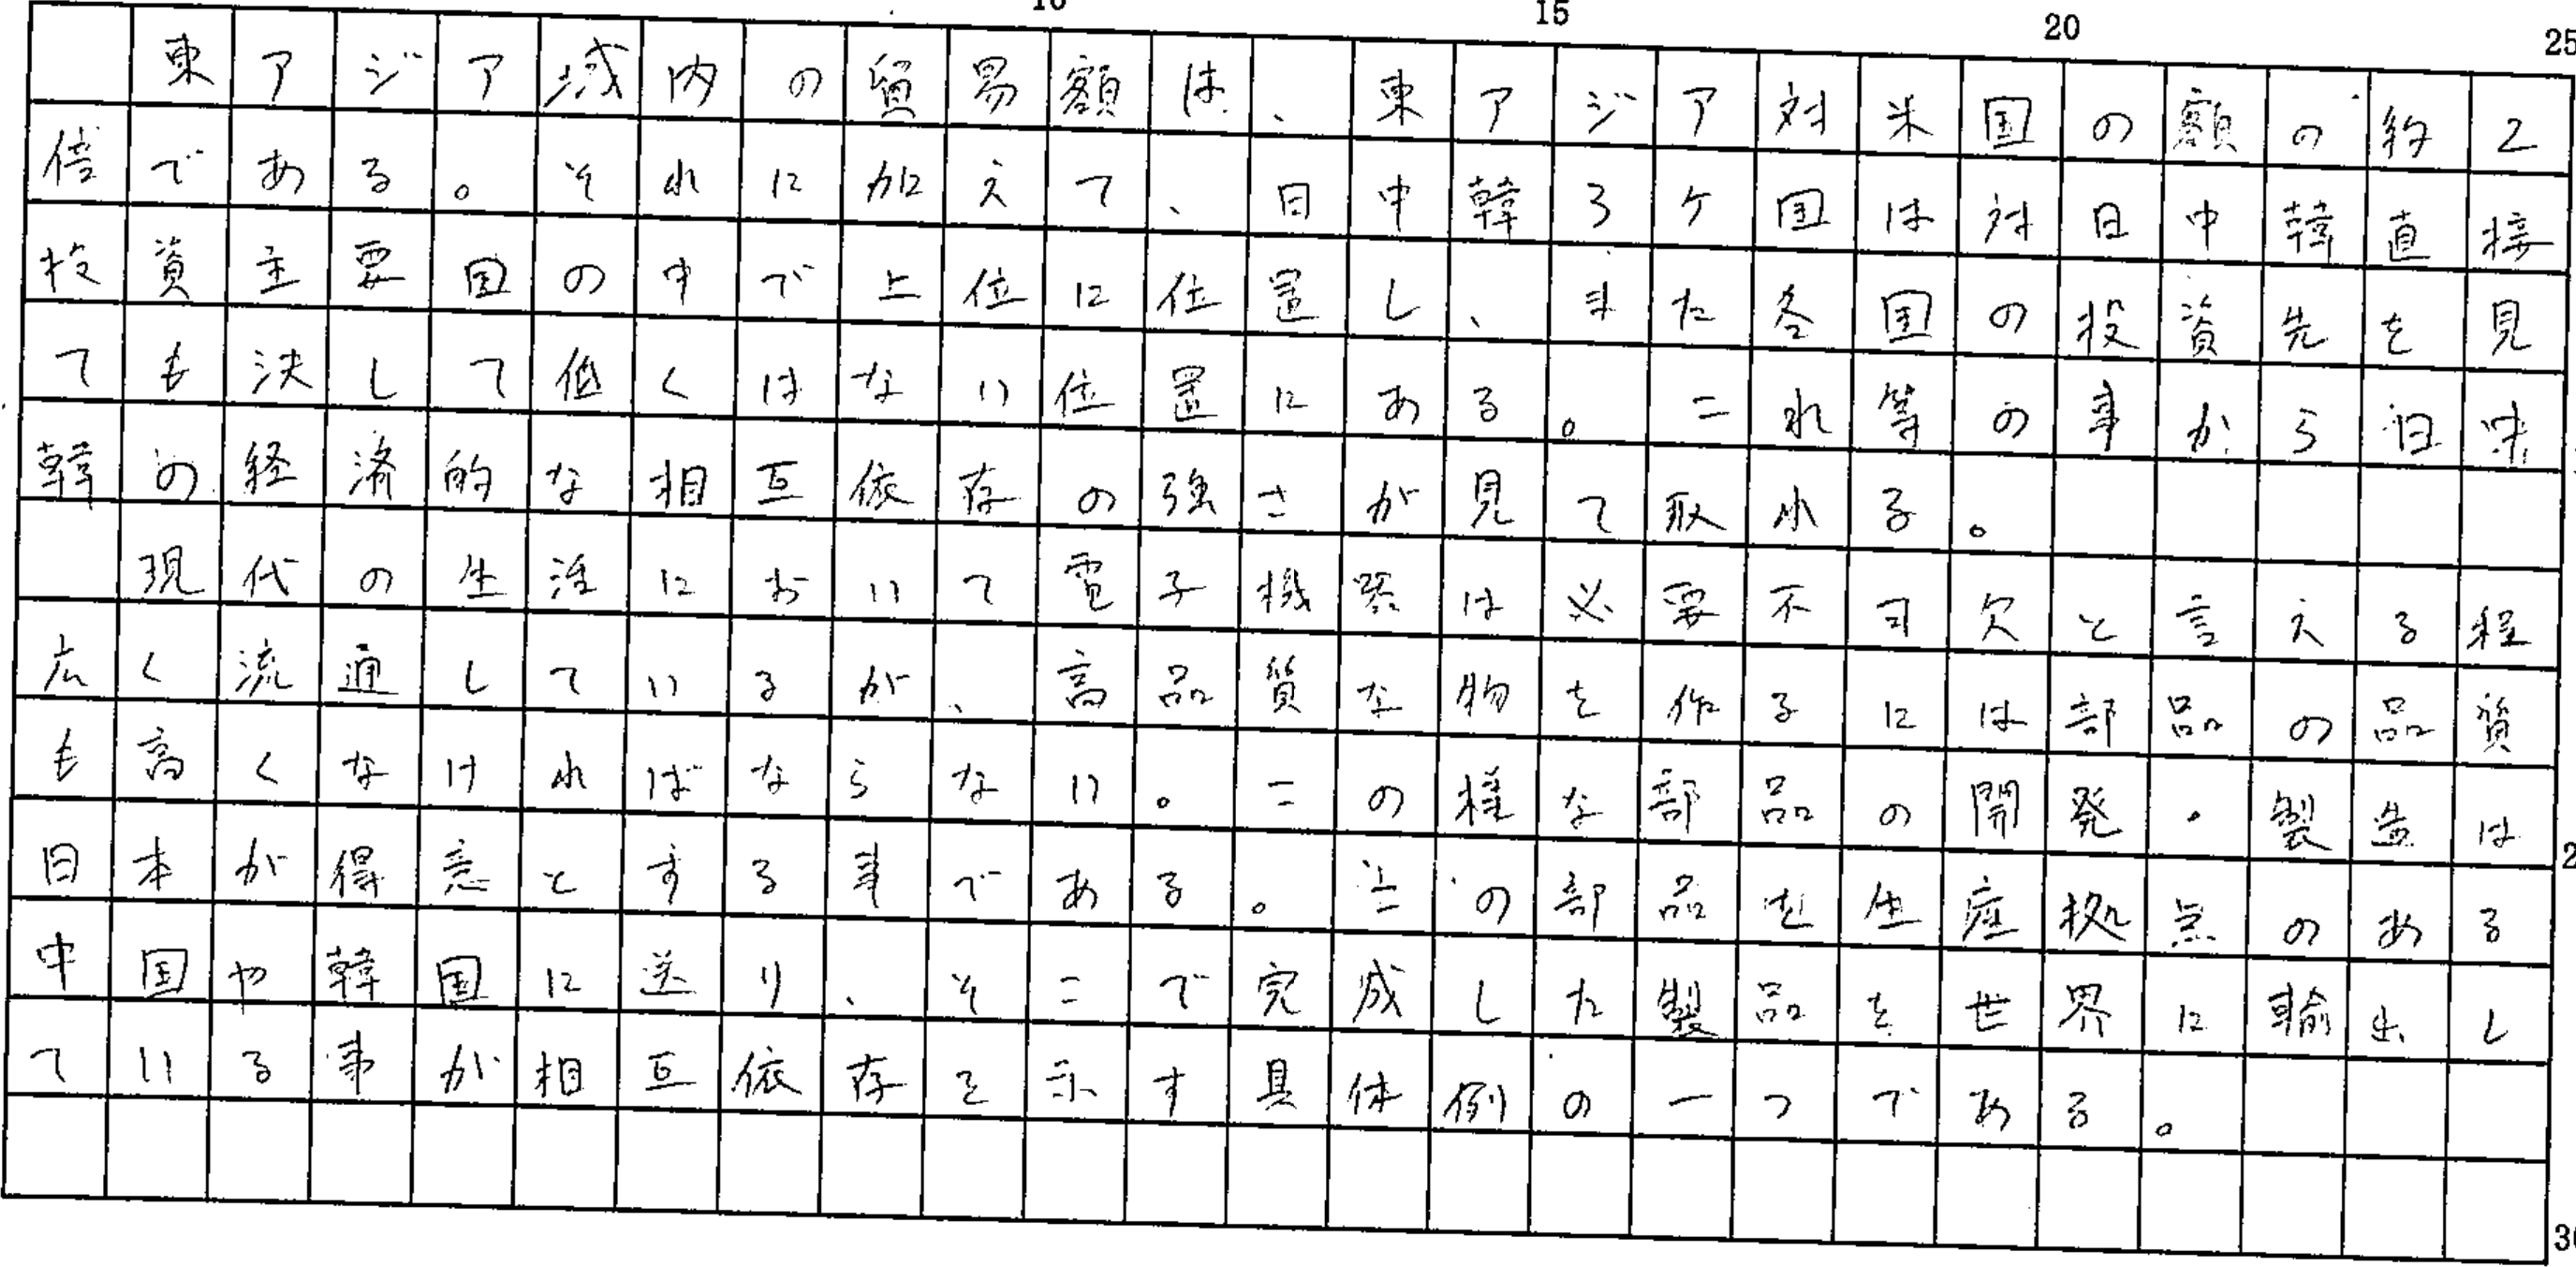　東アジア域内の貿易額は、東アジア対米国の額の約２倍である。それに加えて、日中韓３ケ国は対日中韓直接投資主要国の中で上位に位置し、また各国の投資先を見ても決して低くはない位置にある。これ等の事から日中韓の経済的な相互依存の強さが見て取れる。
　現代の生活において電子機器は必要不可欠と言える程広く流通しているが、高品質な物を作るには部品の品質も高くなければならない。この様な部品の開発・製造は日本が得意とする事である。この部品を生産拠点のある中国や韓国に送り、そこで完成した製品を世界に輸出している事が相互依存を示す具体例の一つである。
